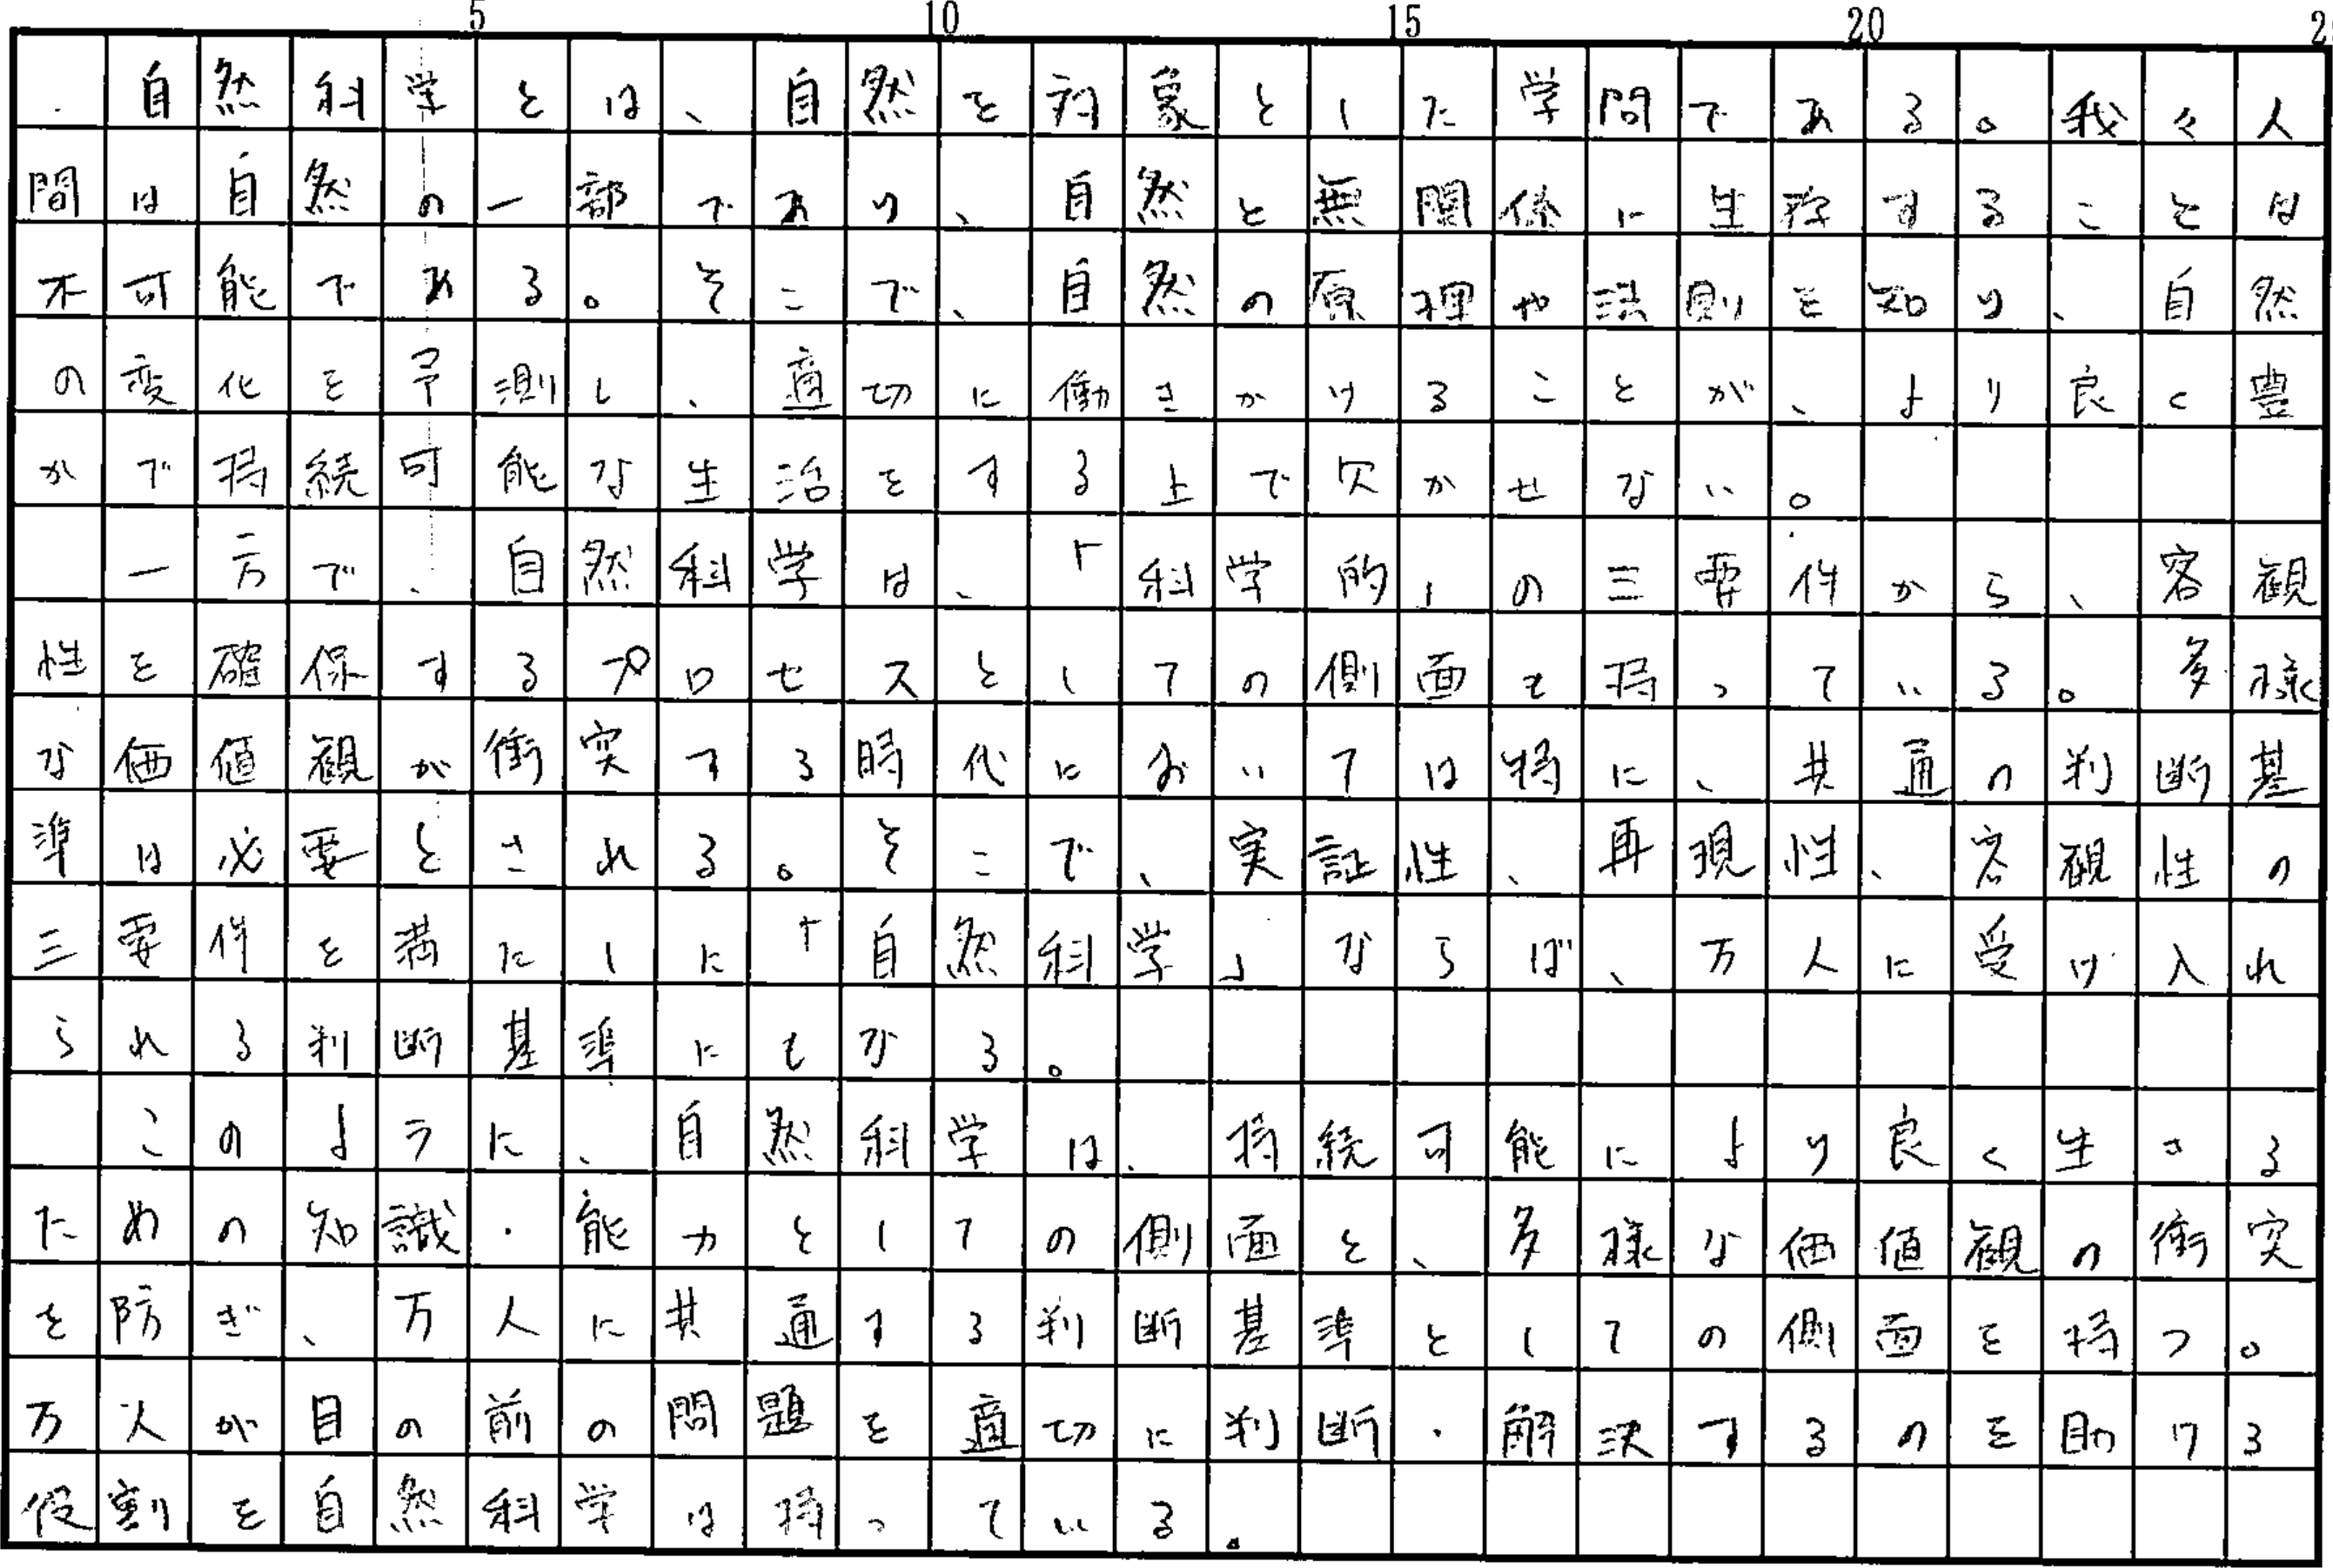　自然科学とは、自然を対象とした学問である。我々人間は自然の一部であり、自然と無関係に生存することは不可能である。そこで、自然の原理や法則を知り、自然の変化を予測し、適切に働きかけることが、より良く豊かで持続可能な生活をする上で欠かせない。
　一方で、自然科学は、「科学的」の三要件から、客観性を確保するプロセスとしての側面を持っている。多様な価値観が衝突する時代においては特に、共通の判断基準は必要とされる。そこで、実証性、再現性、客観性の三要件を満たした「自然科学」ならば、万人に受け入れられる判断基準にもなる。
　このように、自然科学は、持続可能により良く生きるための知識・能力としての側面を、多様な価値観の衝突を防ぎ、万人に共通する判断基準としての側面を持つ。万人が目の前の問題を適切に判断・解決するのを助ける役割を自然科学は持っている。
